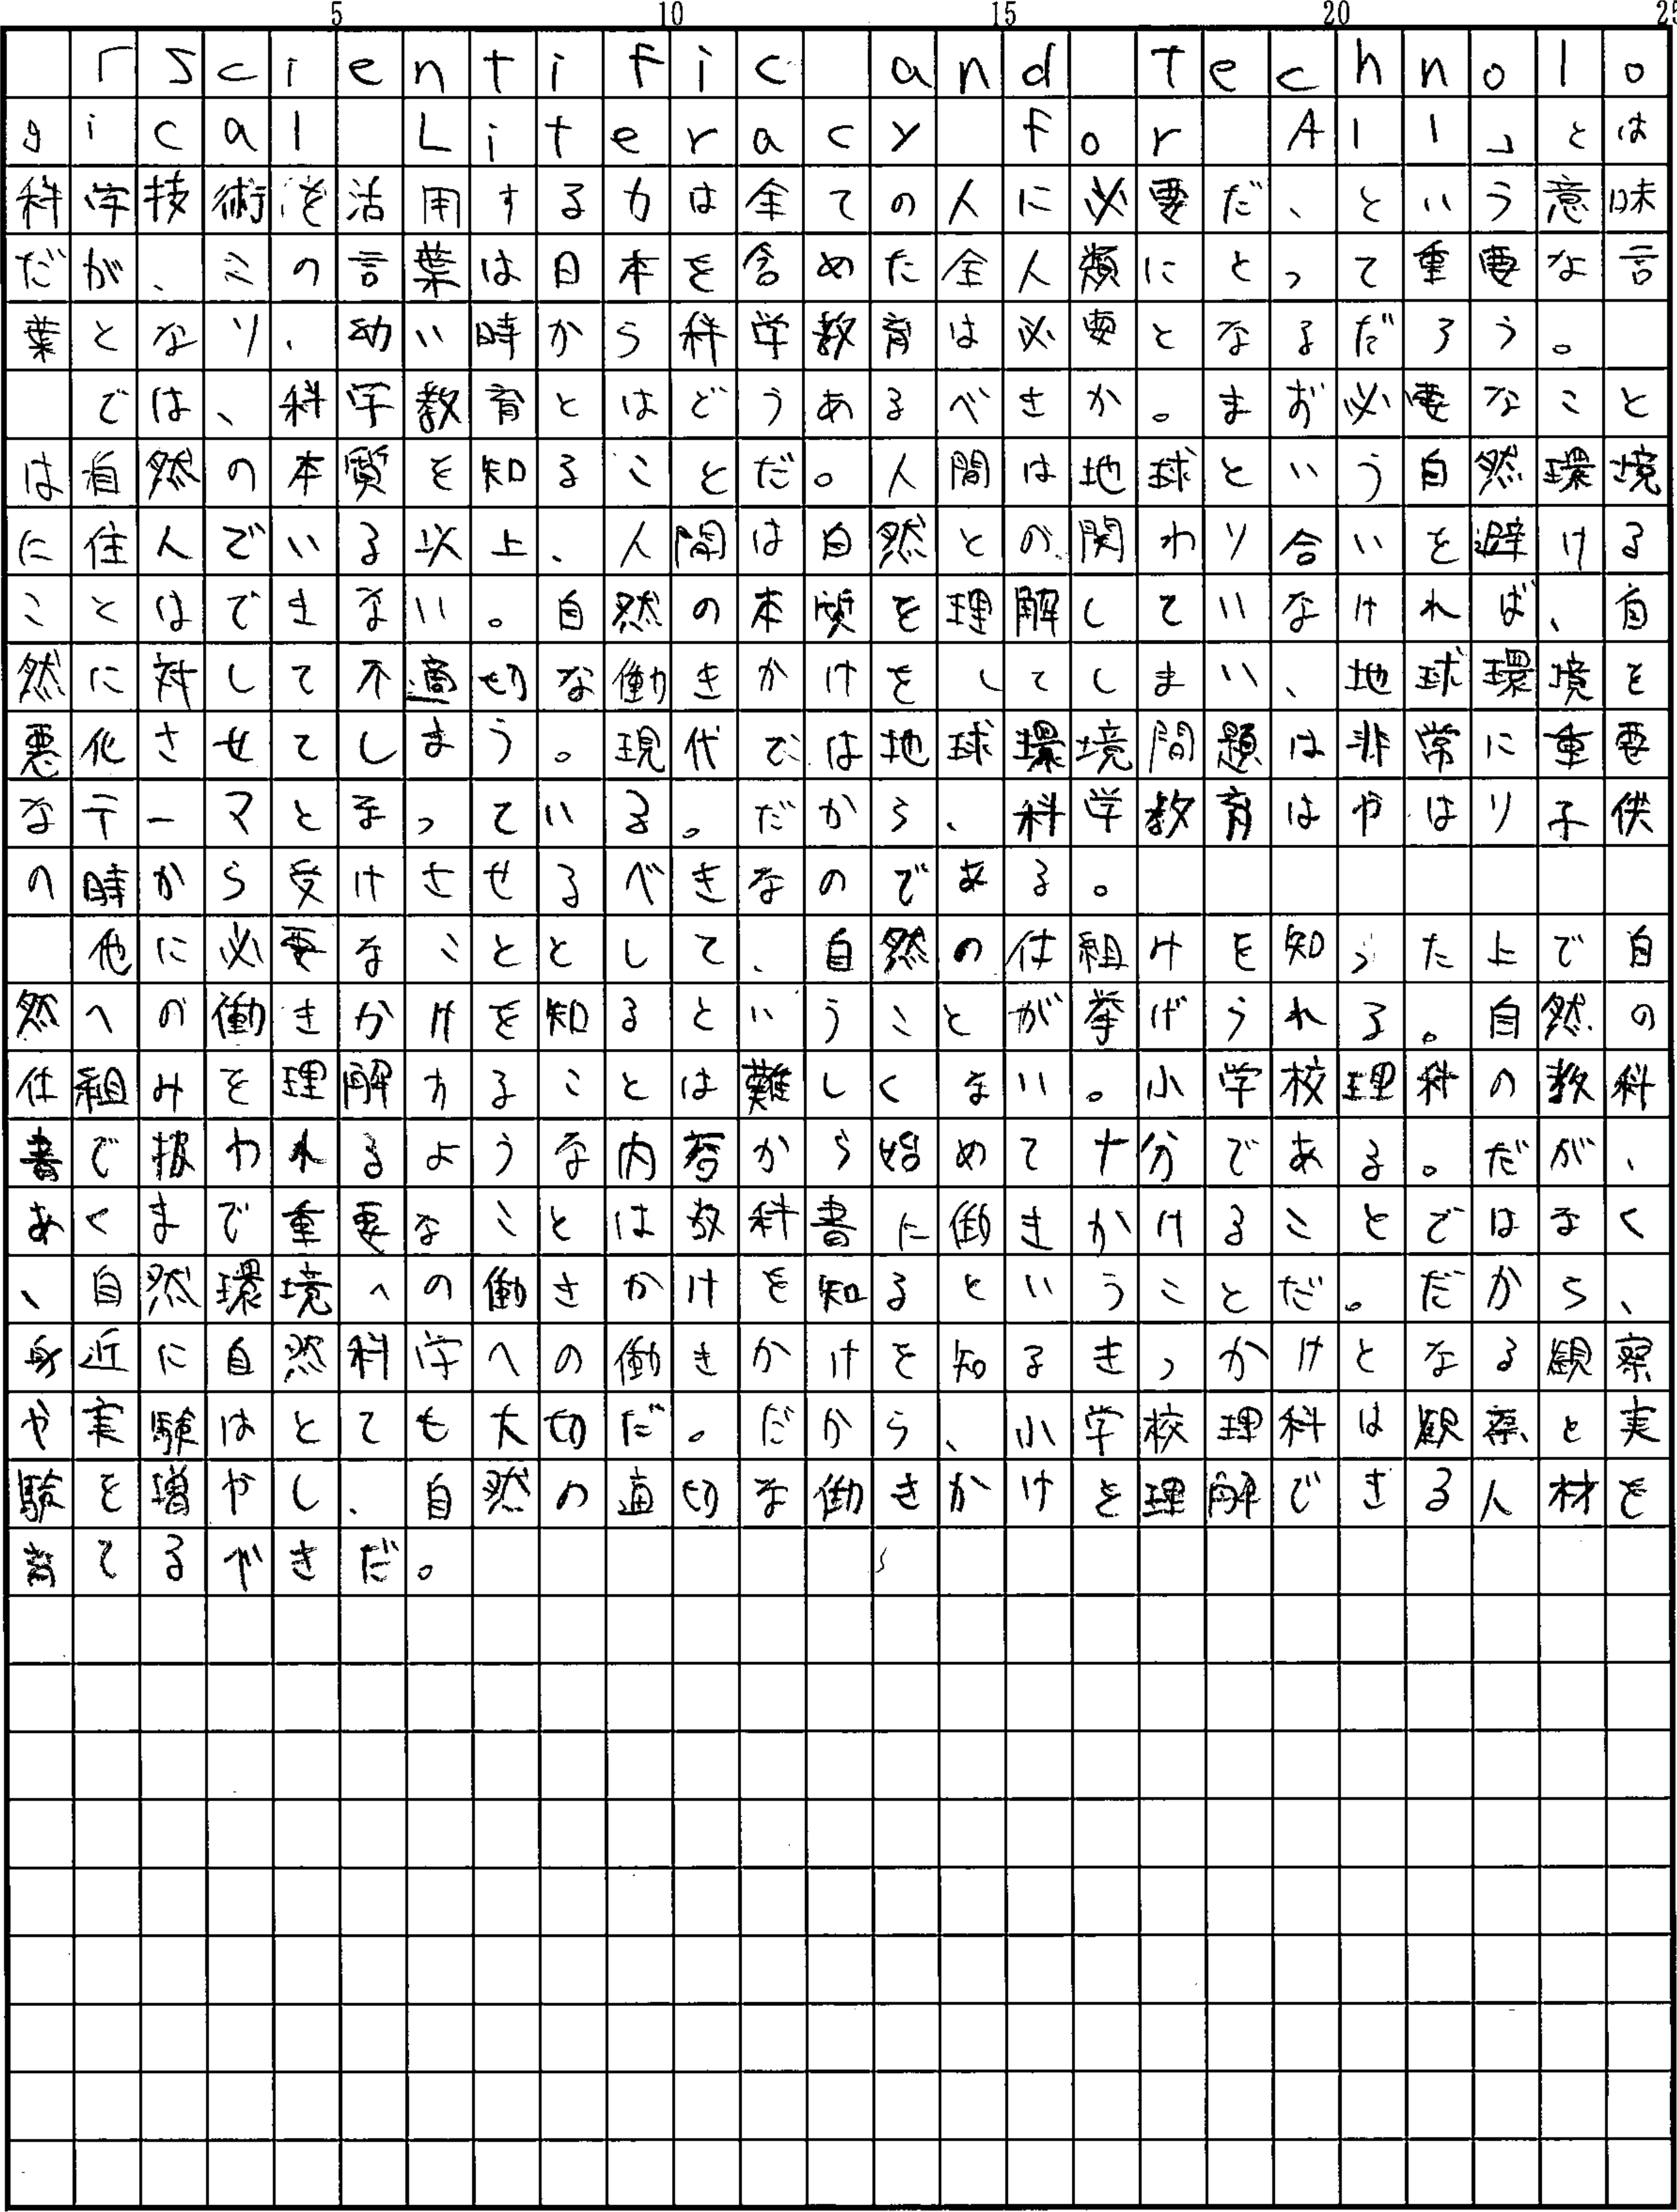　「Ｓｃｉｅｎｔｉｆｉｃ　ａｎｄ　Ｔｅｃｈｎｏｌｏｇｉｃａｌ　Ｌｉｔｅｒａｃｙ　ｆｏｒ　Ａｌｌ」とは科学技術を活用する力は全ての人々に必要だ、という意味だが、この言葉は日本を含めた全人類にとって重要な言葉となり、幼い時から科学教育は必要となるだろう。
　では、科学教育とはどうあるべきか。まず必要なことは自然の本質を知ることだ。人間は地球という自然環境に住んでいる以上、人間は自然との関わり合いを避けることはできない。自然の本質を理解していなければ、自然に対して不適切な働きかけをしてしまい、地球環境を悪化させてしまう。現代では地球環境問題は非常に重要なテーマとなっている。だから、科学教育はやはり子供の時から受けさせるべきなのである。
　他に必要なこととして、自然の仕組みを知った上で自然への働きかけを知るということが挙げられる。自然の仕組みを理解することは難しくない。小学校理科の教科書で扱われるような内容から始めて十分である。だが、あくまで重要なことは教科書に働きかけることではなく、自然環境への働きかけを知るということだ。だから、身近に自然科学への働きかけを知るきっかけとなる観察や実験はとても大切だ。だから、小学校理科は観察と実験を増やし、自然の適切な働きかけを理解できる人材を育てるべきだ。
